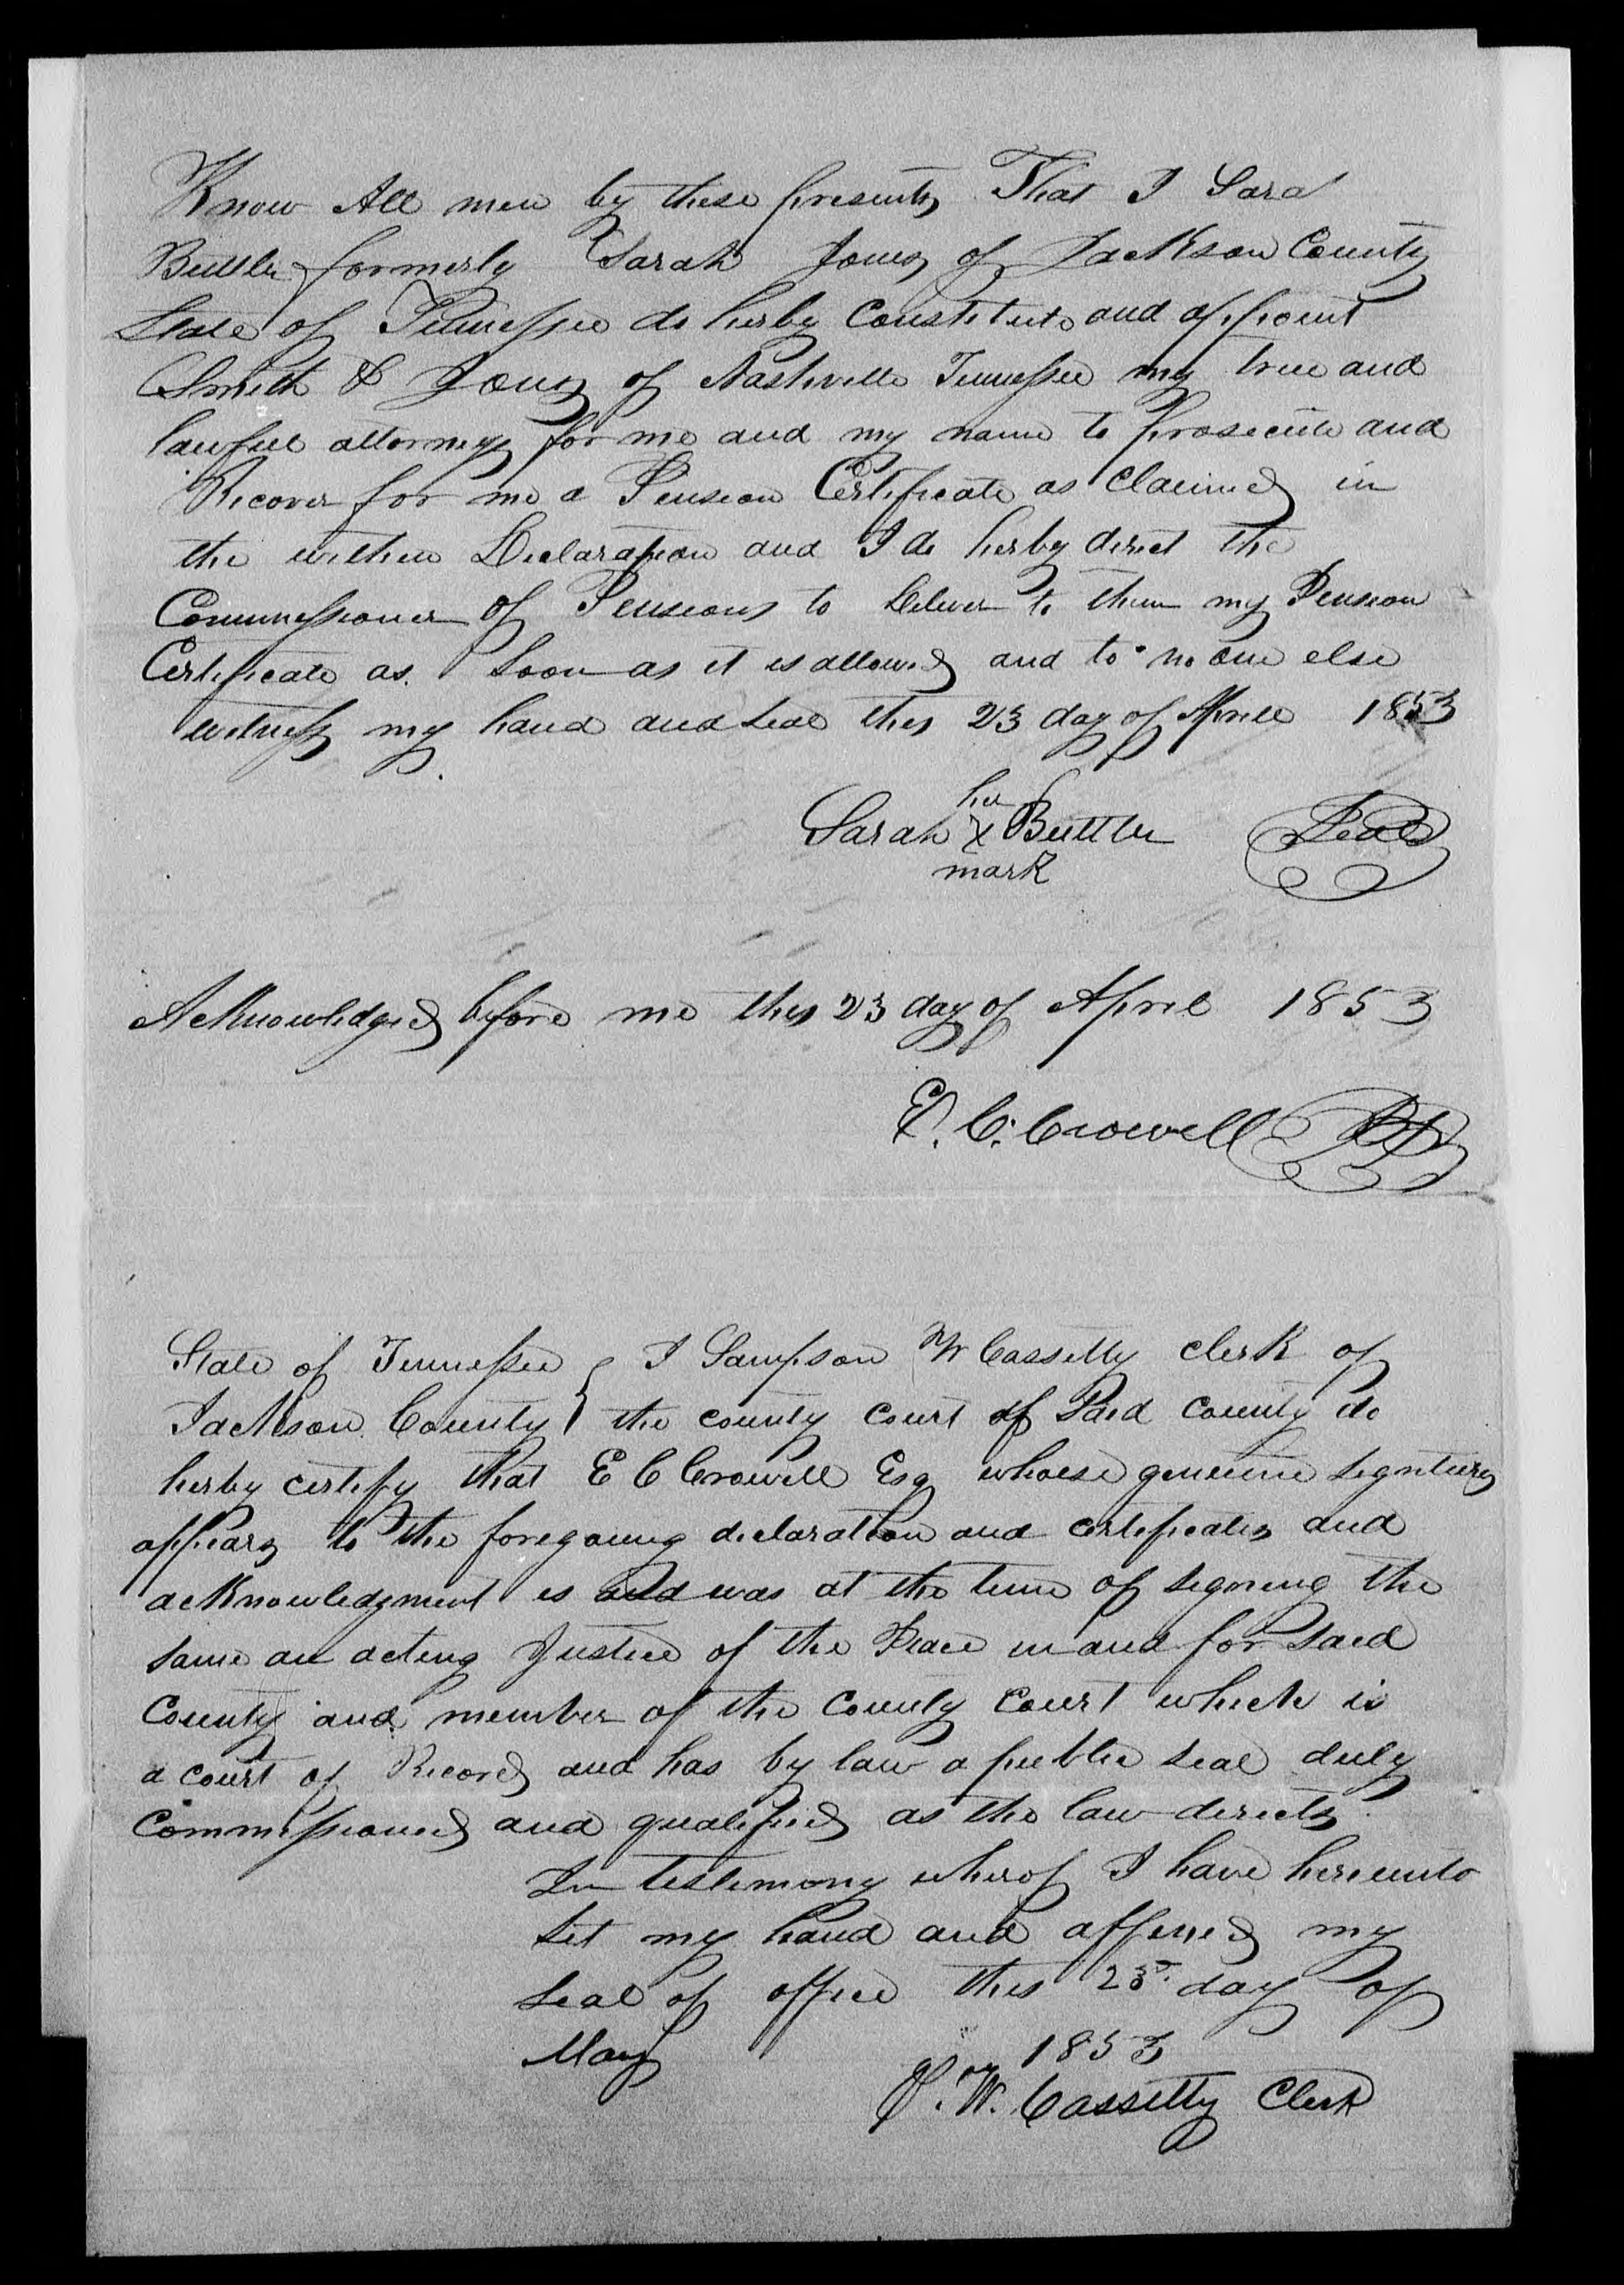Know all men by these presend That I Sara Butler formerly Sarah Jones of Jackson County State of Tennessee do hereby constitute and appoint 
Smith & Jones of Nashville Tennessee my true and 
lawful attorney for me and my name to Prosecute and 
Recover for me a Pension Certificate as claimed in 
the within Declaration and I do hereby direct the 
Commissioner of Pensions to deliver to them my Pension 
Certificate as soon as it is allowed and to no one else 
Witness my hand and Seal this 23 day of April 1853

Sarah Butler X her mark  (seal)

Acknowledged before me this 23 day of April 1853

E.C. Crowell



State of Tennessee 
Jackson County

I Sampson W. Cassitty Clerk of 
the county court as said County do 
hereby certify that E C Crowell Esq whose genuine signature 
appears to the foregoing declaration and certificates and 
acknowledgement is and was at the time of signing the 
same are acting Justice of the Peace in and for said 
County and member of the County Court which is 
a court of Record and has by law a public seal duly 
commissioned and qualified as the law directs. 
In testimony whereof I have hereunto 
set my hand and affixed my 
Seal of office this 23rd day of 
May 1853

S. W. Cassitty Clerk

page: 7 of 33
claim: rejected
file: R. 1554, for Richard Jones, North Carolina